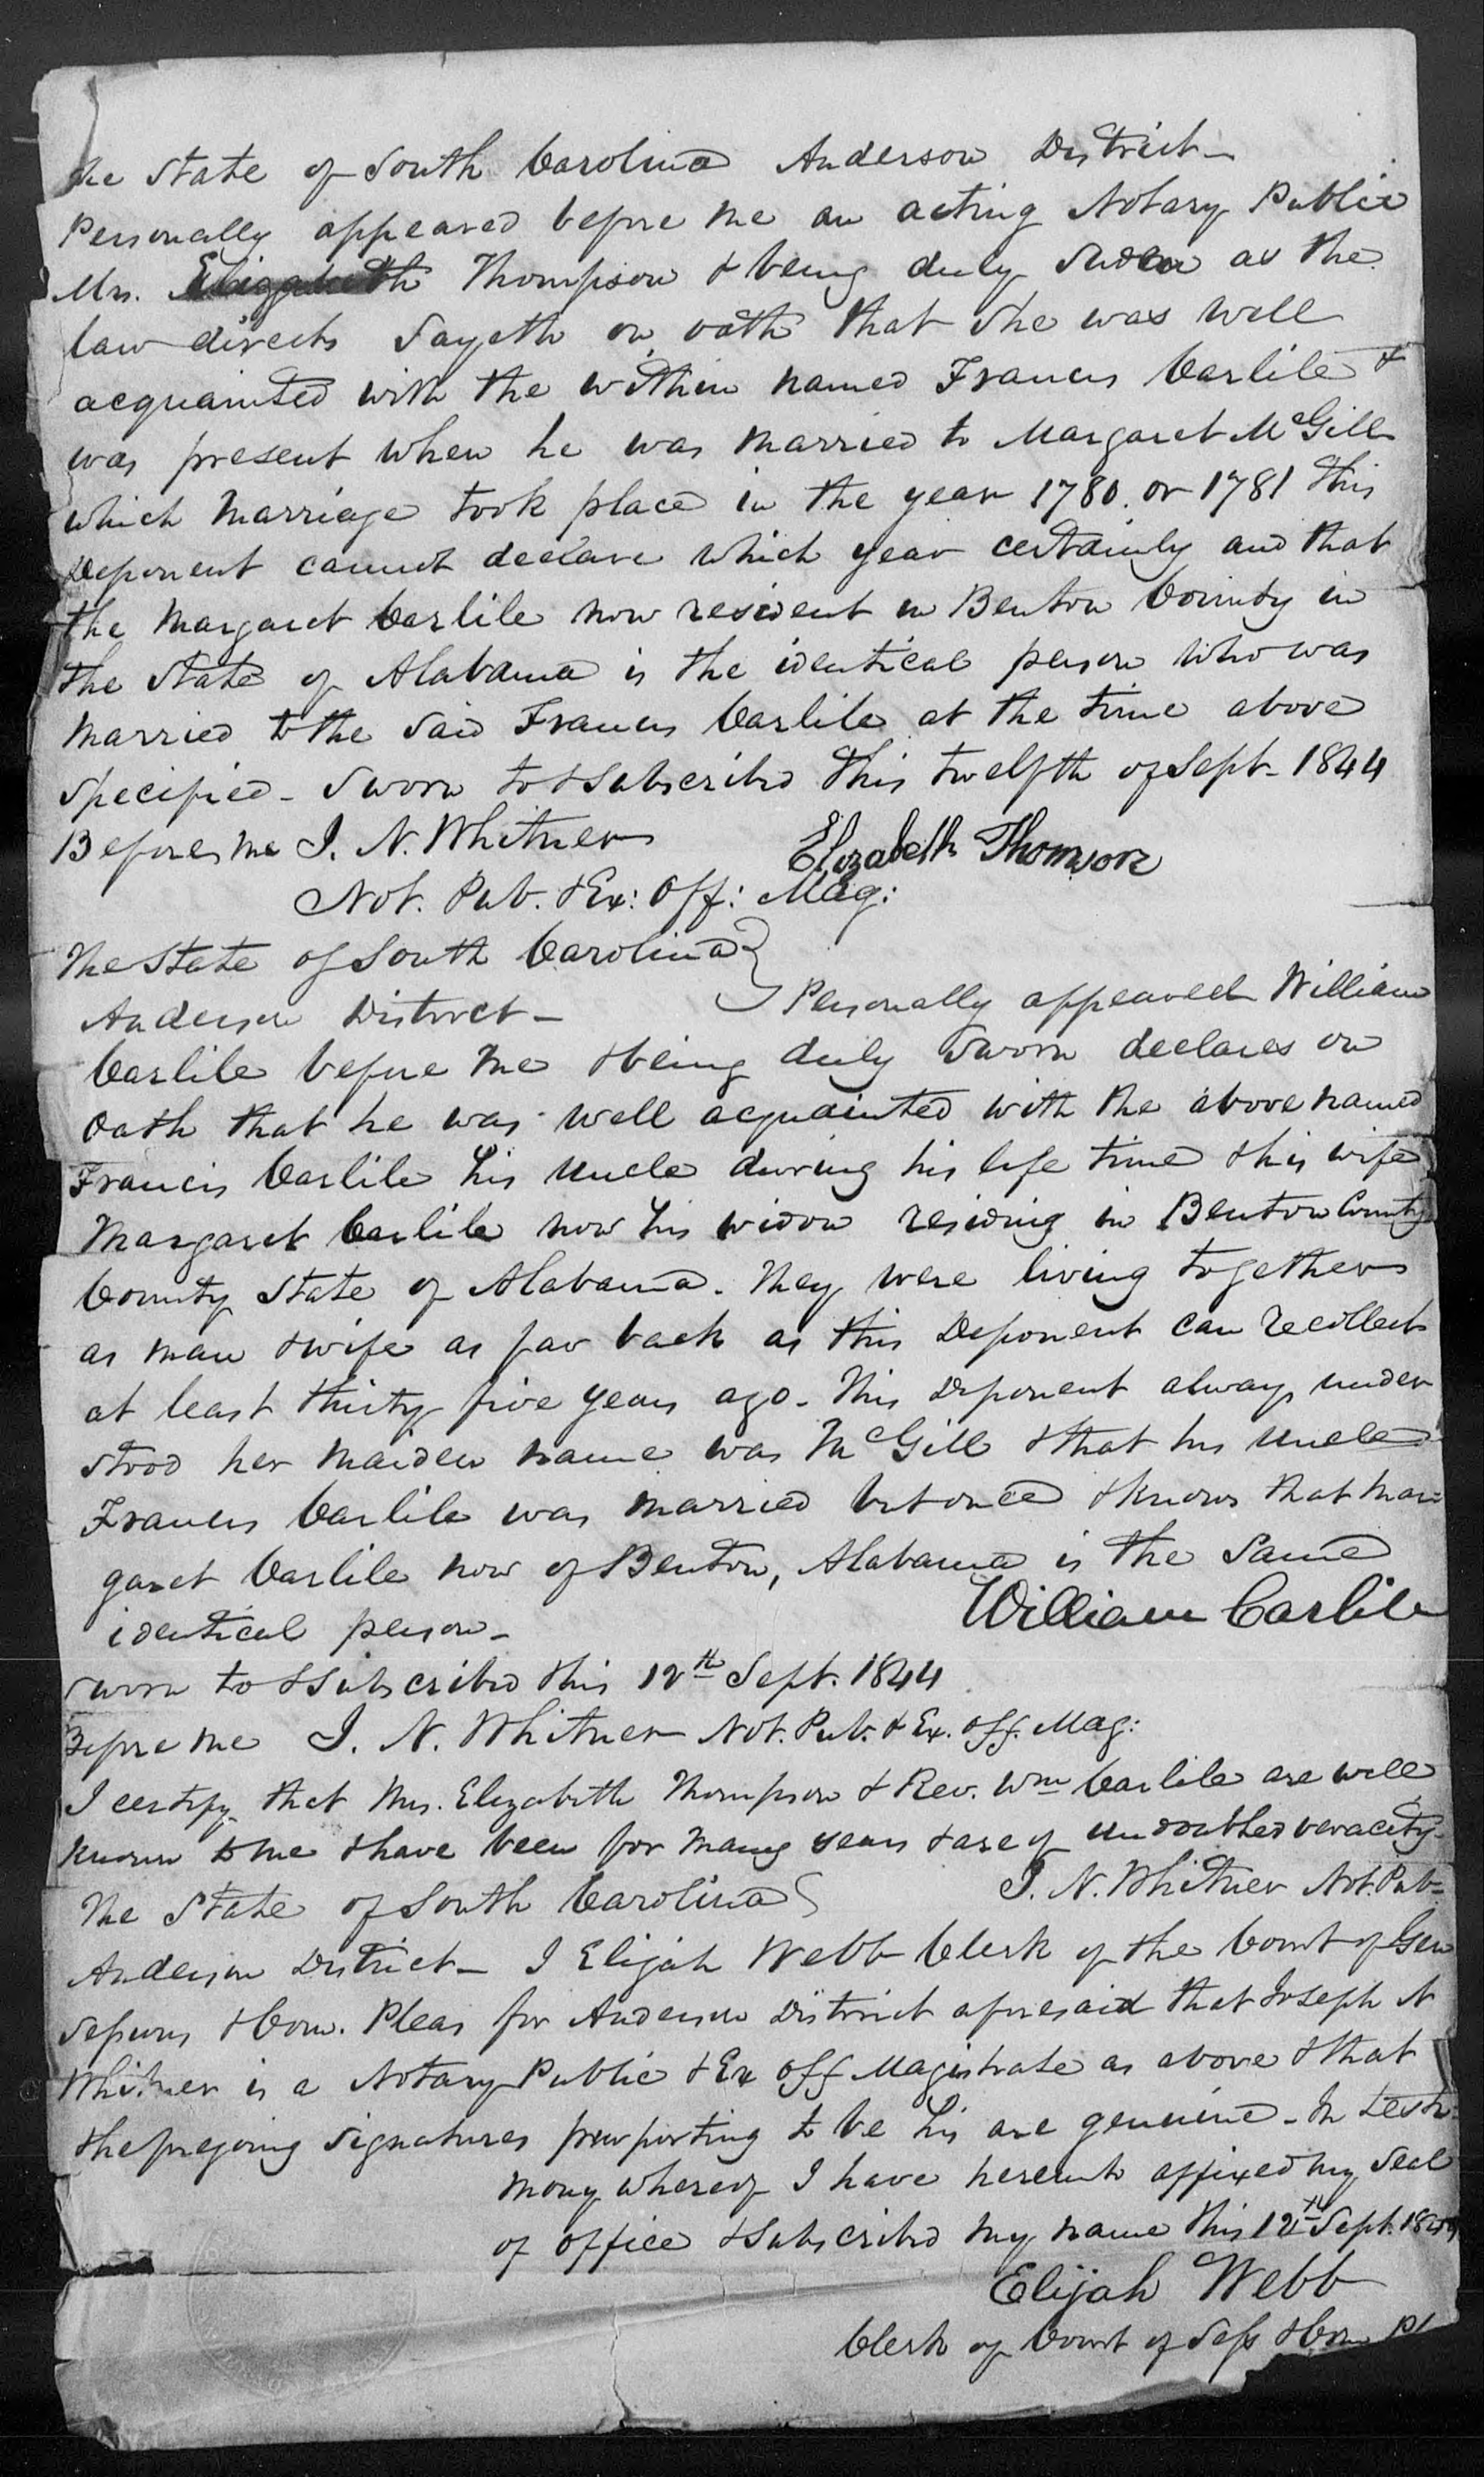The State of
South Carolina
Anderson District-
Personally appeared before me an acting Notary Public Mrs. Elizabeth Thompson & being duly sworn declares on oath that she was well acquainted with the above named Francis Carlile & was present when he was married to Margaret McGill which marriage took place in the year 1780 or 1781 this deponent cannot declare which year certainly and that Margaret Carlile now resident in Burton County in the State of Alabama, is the identical person who was married to the said Francis Carlisle at the time above specified
[signed] Elizabeth Thompson
Sworn to & subscribed this twelfth of Sept. 1844
Before me J. N. Whitner
Not. Pub. Ex off: Mag:

The State of South Carolina
Anderson District-
Personally appeared William Carlile before me & being duly sworn declares on oath that he was well acquainted with the above named Francis Carlile his uncle during his life time & his wife Margaret Carlile now his widow residing in Burton County State of Alabama. they were living together as man & wife as far back as this Deponent can recollect at least thirty five years ago. This Deponent always understood to her maiden name was McGill & that his uncle Frances Carlile was married but once & knows that Margaret Carlile now of Benton, Alabama in the same identical person.
[signed] William Carlile
Sworn to & subscribed this 12th Sept. 1844
Before me J. N. Whitner Not Pub & Ex. off. Maj.

I certify that Mrs. Elizabeth Thompson & Rev. Wm Carlile are well known to me & have been for many years & are of undoubted veracity 
J. N. Whitner Not Pub

The State of South Carolina
Anderson District- I Elijah Webb Clerk of the Court of Gen Sessions & Com. Pleas for Anderson District aforesaid that Joseph N Whitner is a Notary Public & Ex off Magistrate as above & that the
foregoing signatures purporting to be his are genuine. In testimony whereof I have hereunto affixed my seal of office & Subscribed my name this 12 Sept. 1844
Elijah Webb
Clerk of Court of Sess & Com Pleas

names: Elizabeth Thomson, Margaret Carlile, Francis Carlile, J N Whitner, William Carlile, Francis Carlile, William Carlile, Thompson, J N Whitner, Margaret Carlile, Elijah Webb, J N Whitner, Margaret Mc Gill, Elizabeth Thompson, Mc Gill, Margaret Carlile, Elijah Webb, Wm Carlile, Francis Carlile, Francis Carlile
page: 27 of 91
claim: widow's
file: W. 10576, Francis Carlisle, S.C.